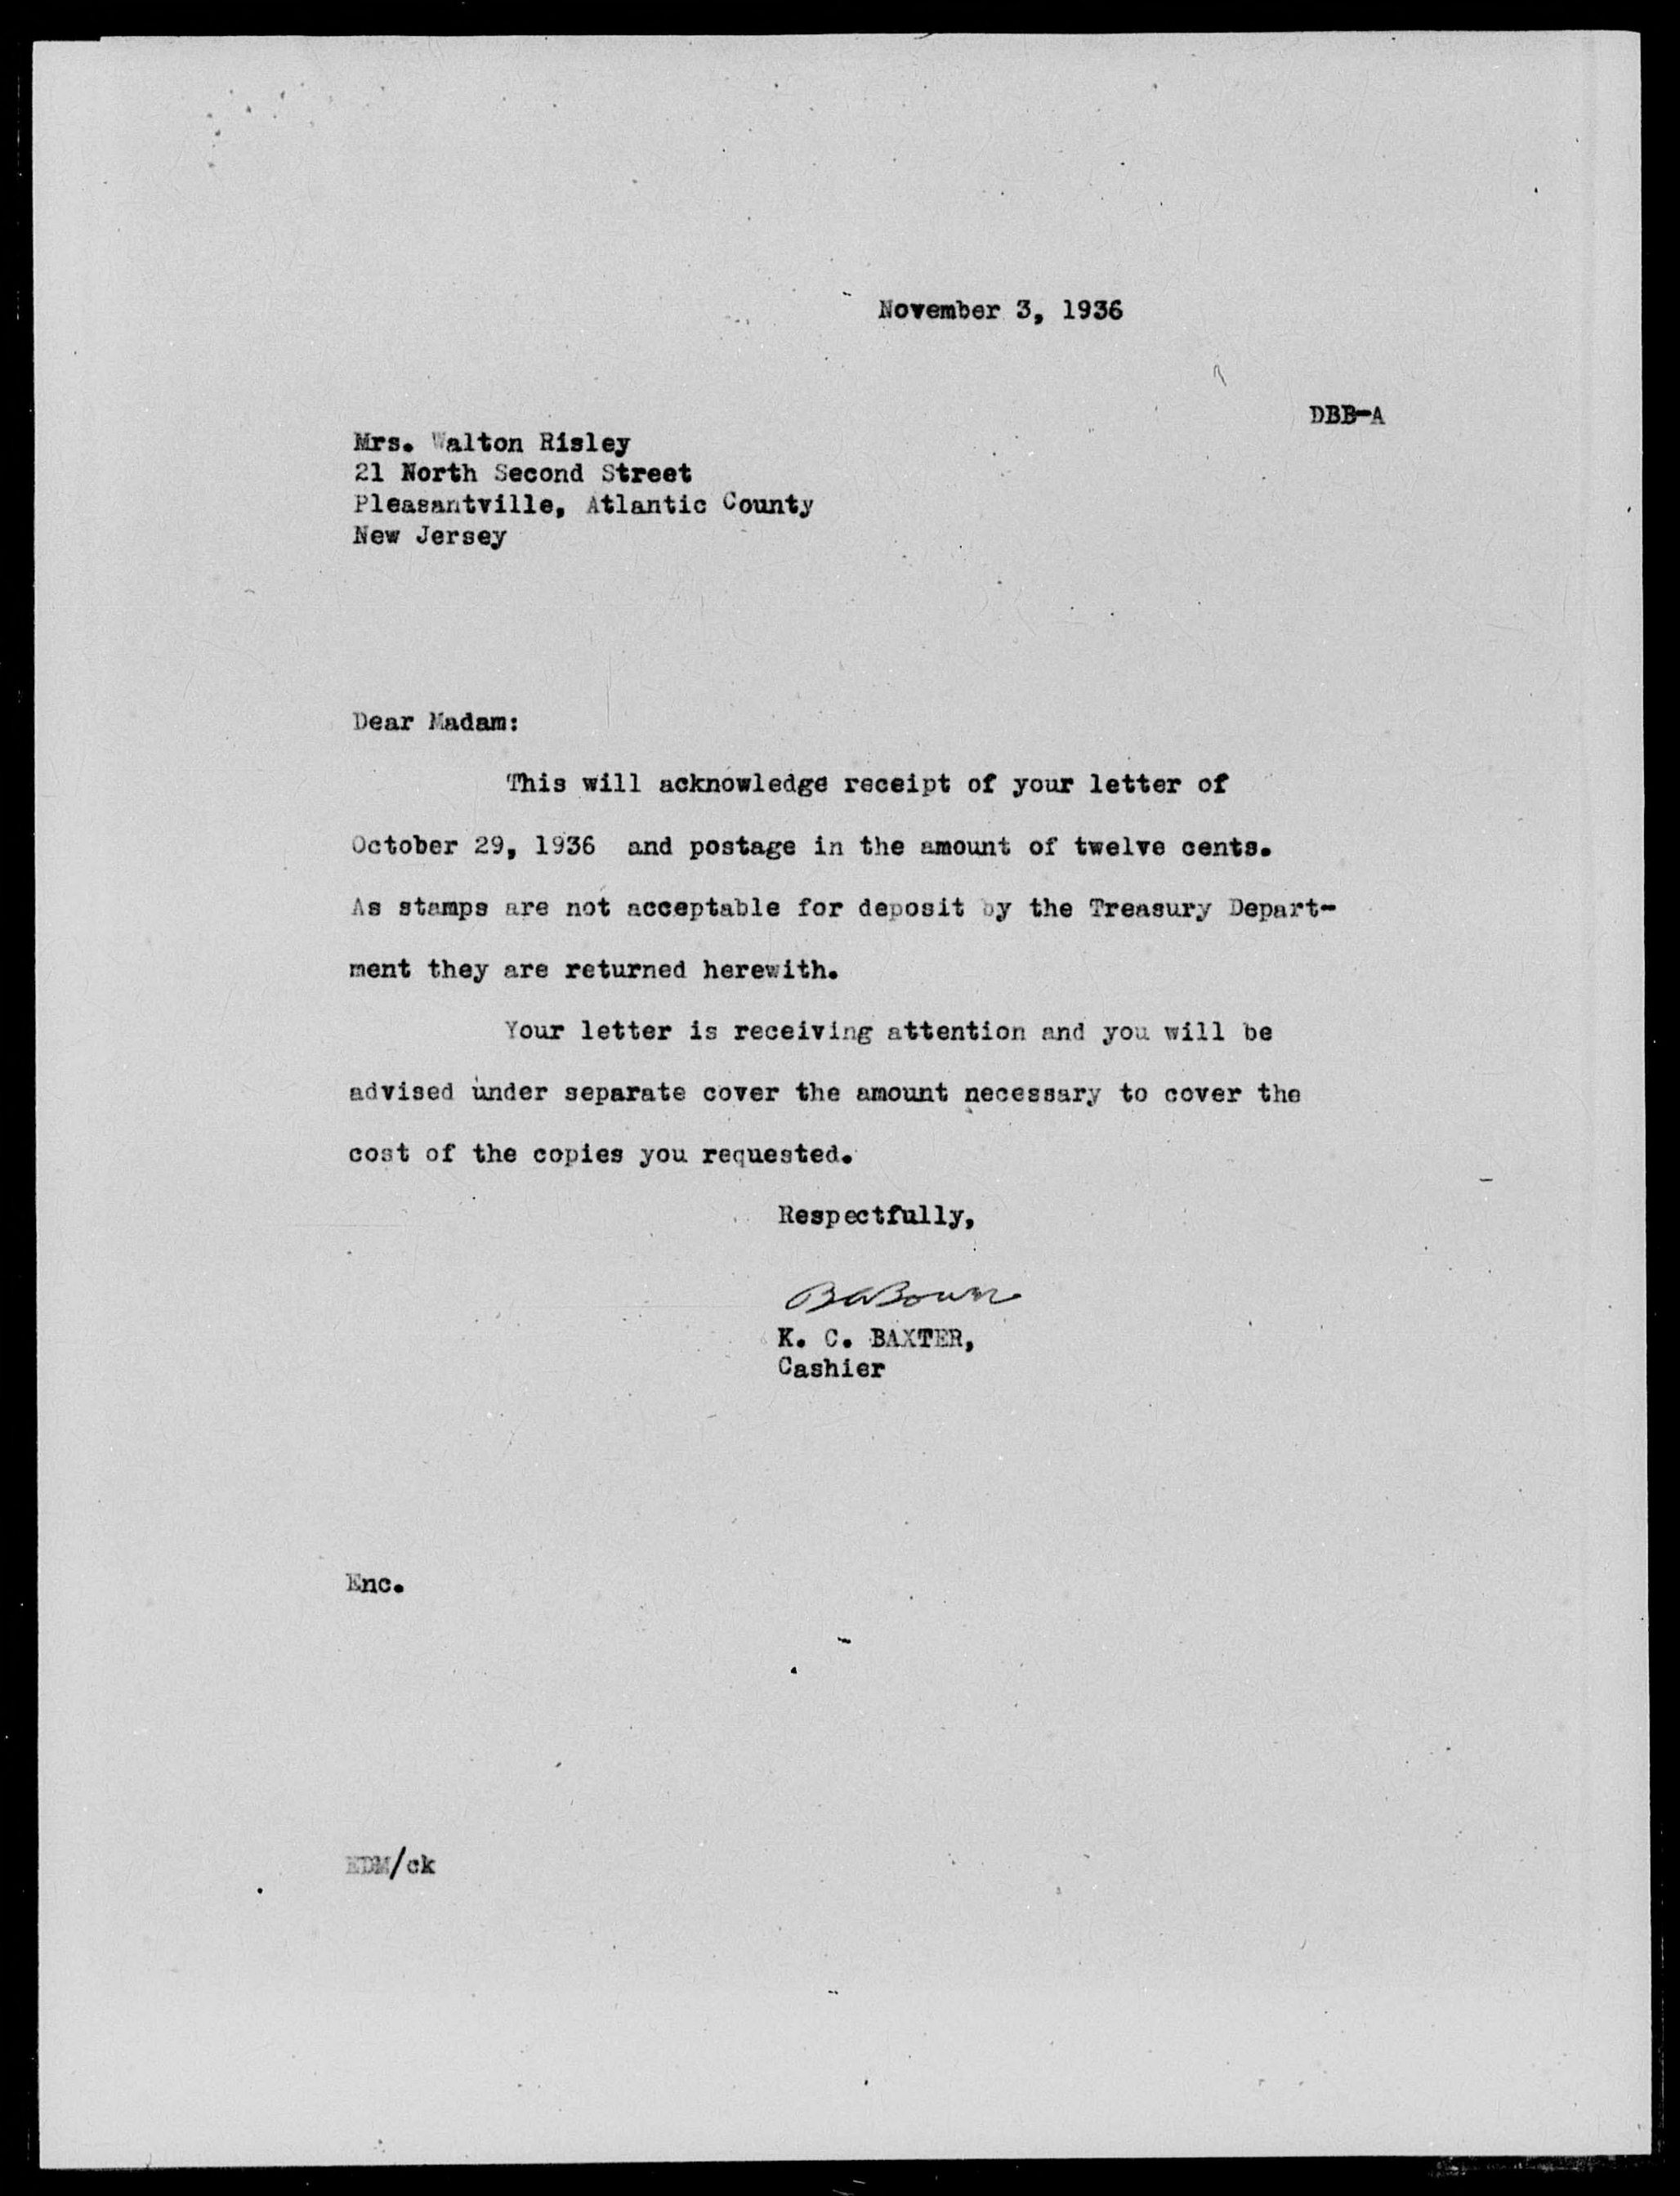November 3, 1936

DBB-A

Mrs. Walton Risley
21 North Second Street
Pleasantville, Atlantic County 
New Jersey

Dear Madam:

This will acknowledge receipts of your letter of October 29, 1936 and postage in the amount of twelve cents. As stamps are not acceptable for deposit by the Treasury Department they are returned herewith.

Your letter is receiving attention and you will be advised under separate cover the amount necessary to cover the cost of the copies you requested.

Respectfully,

Ba Bower
K.C. BAXTER,
Cashier

Enc.

KDM/ck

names: K C Baxter; Walton Risley; B A Bown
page: 27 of 38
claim: survivor's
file: S 31817, for James Leeds, New Jersey